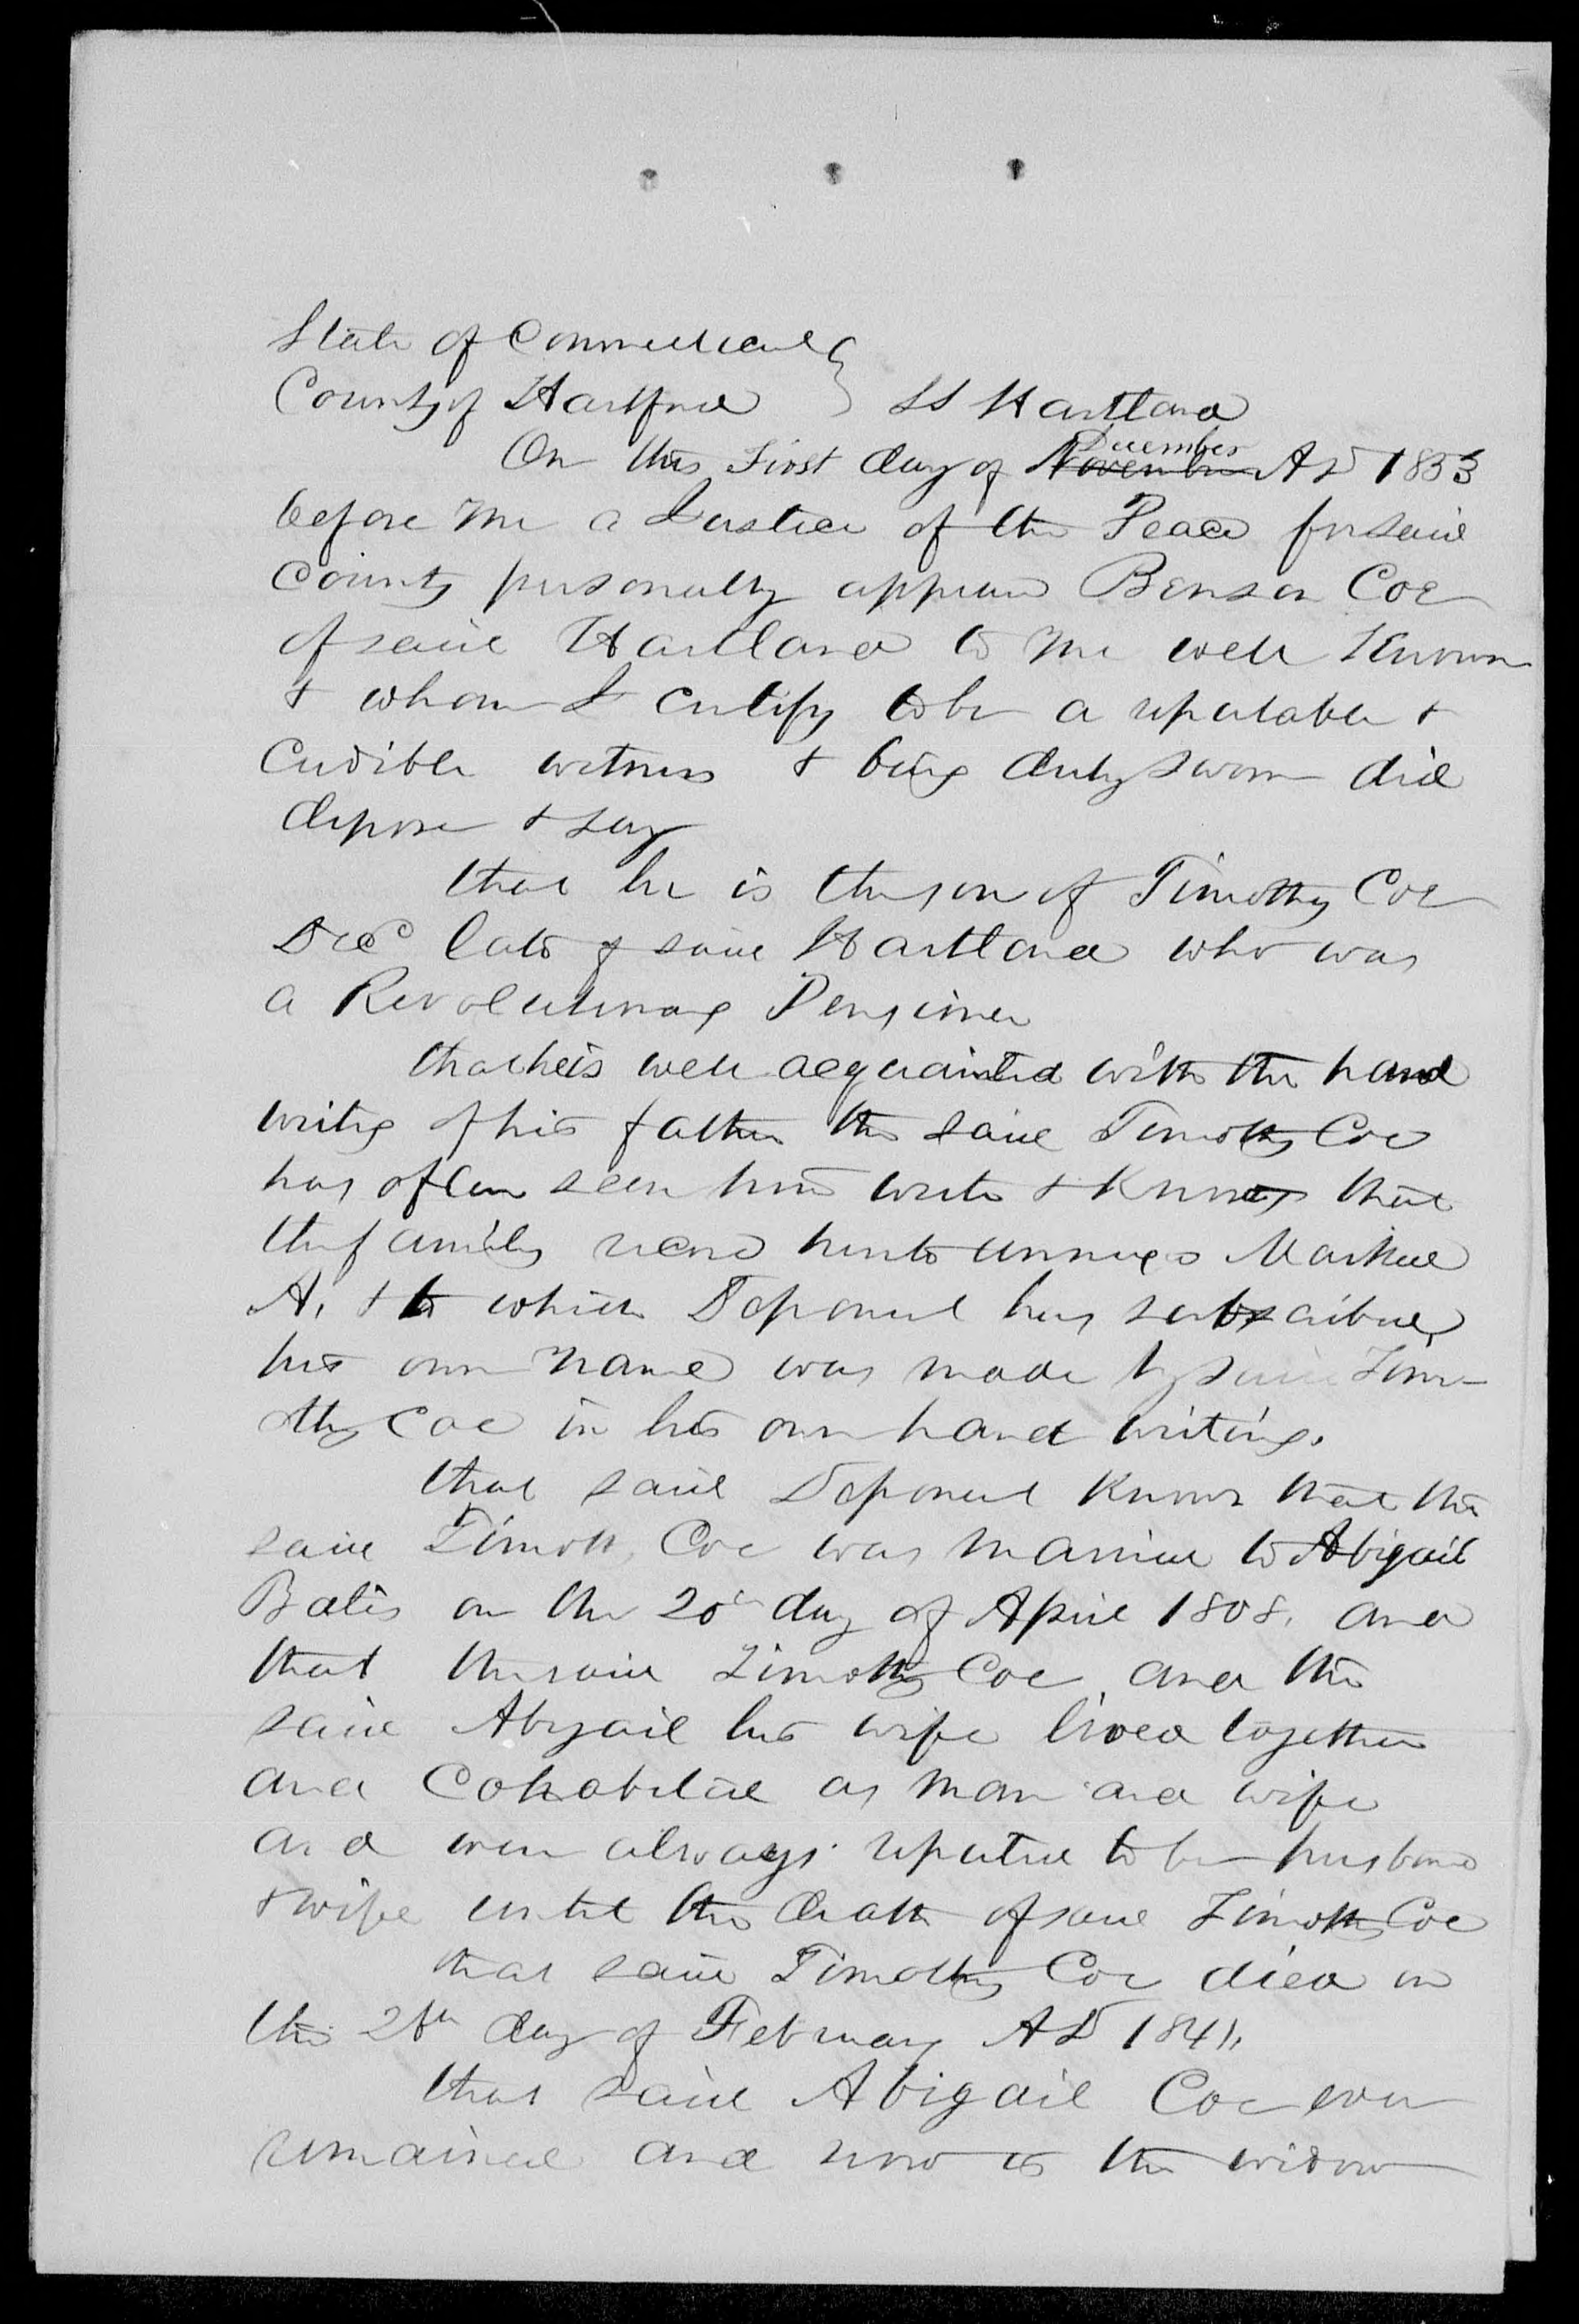State of Connecticut
County of Hartford} ss. Hartland
On this first day of December AD 1853 before me a Justice of the Peace for said County personally appeared Benson Coe of said Hartland to me well known & whom I certify to be a respectable credible witness & being duly sworn did depose & say that he the son of Timothy Coe Decd late of said Hartland who was a Revolutionary Pensioner that he is well acquainted with the hand writing of his Father the said Timothy Coe has often seen him write & know that the family record hereto annexed marked A & to which Deponent has subscribed his own name was made by said Timothy Coe in his own hand writing, that said Deponent knows that the said Timothy Coe was married to Abigail Bates on the 20th day of April 1808, and that the said Timothy Coe, and the said Abigail his wife lived together and cohabitated as man and wife and was always reputed to be husband & wife until the death of said Timothy Coe, that said Timothy Coe died on the 26th day of February AD 1841, that said Abigail Coe ever remained and now is the widow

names: Timothy Coe, Abigail, Benson Coe, Timothy Coe, Abigail Coe, Timothy Coe, Abigail Bates, Timothy Coe, Timothy Coe, Timothy Coe, Timothy Coe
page: 59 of 76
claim: widow's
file: W. 5,250, Timothy Coe, Conn.